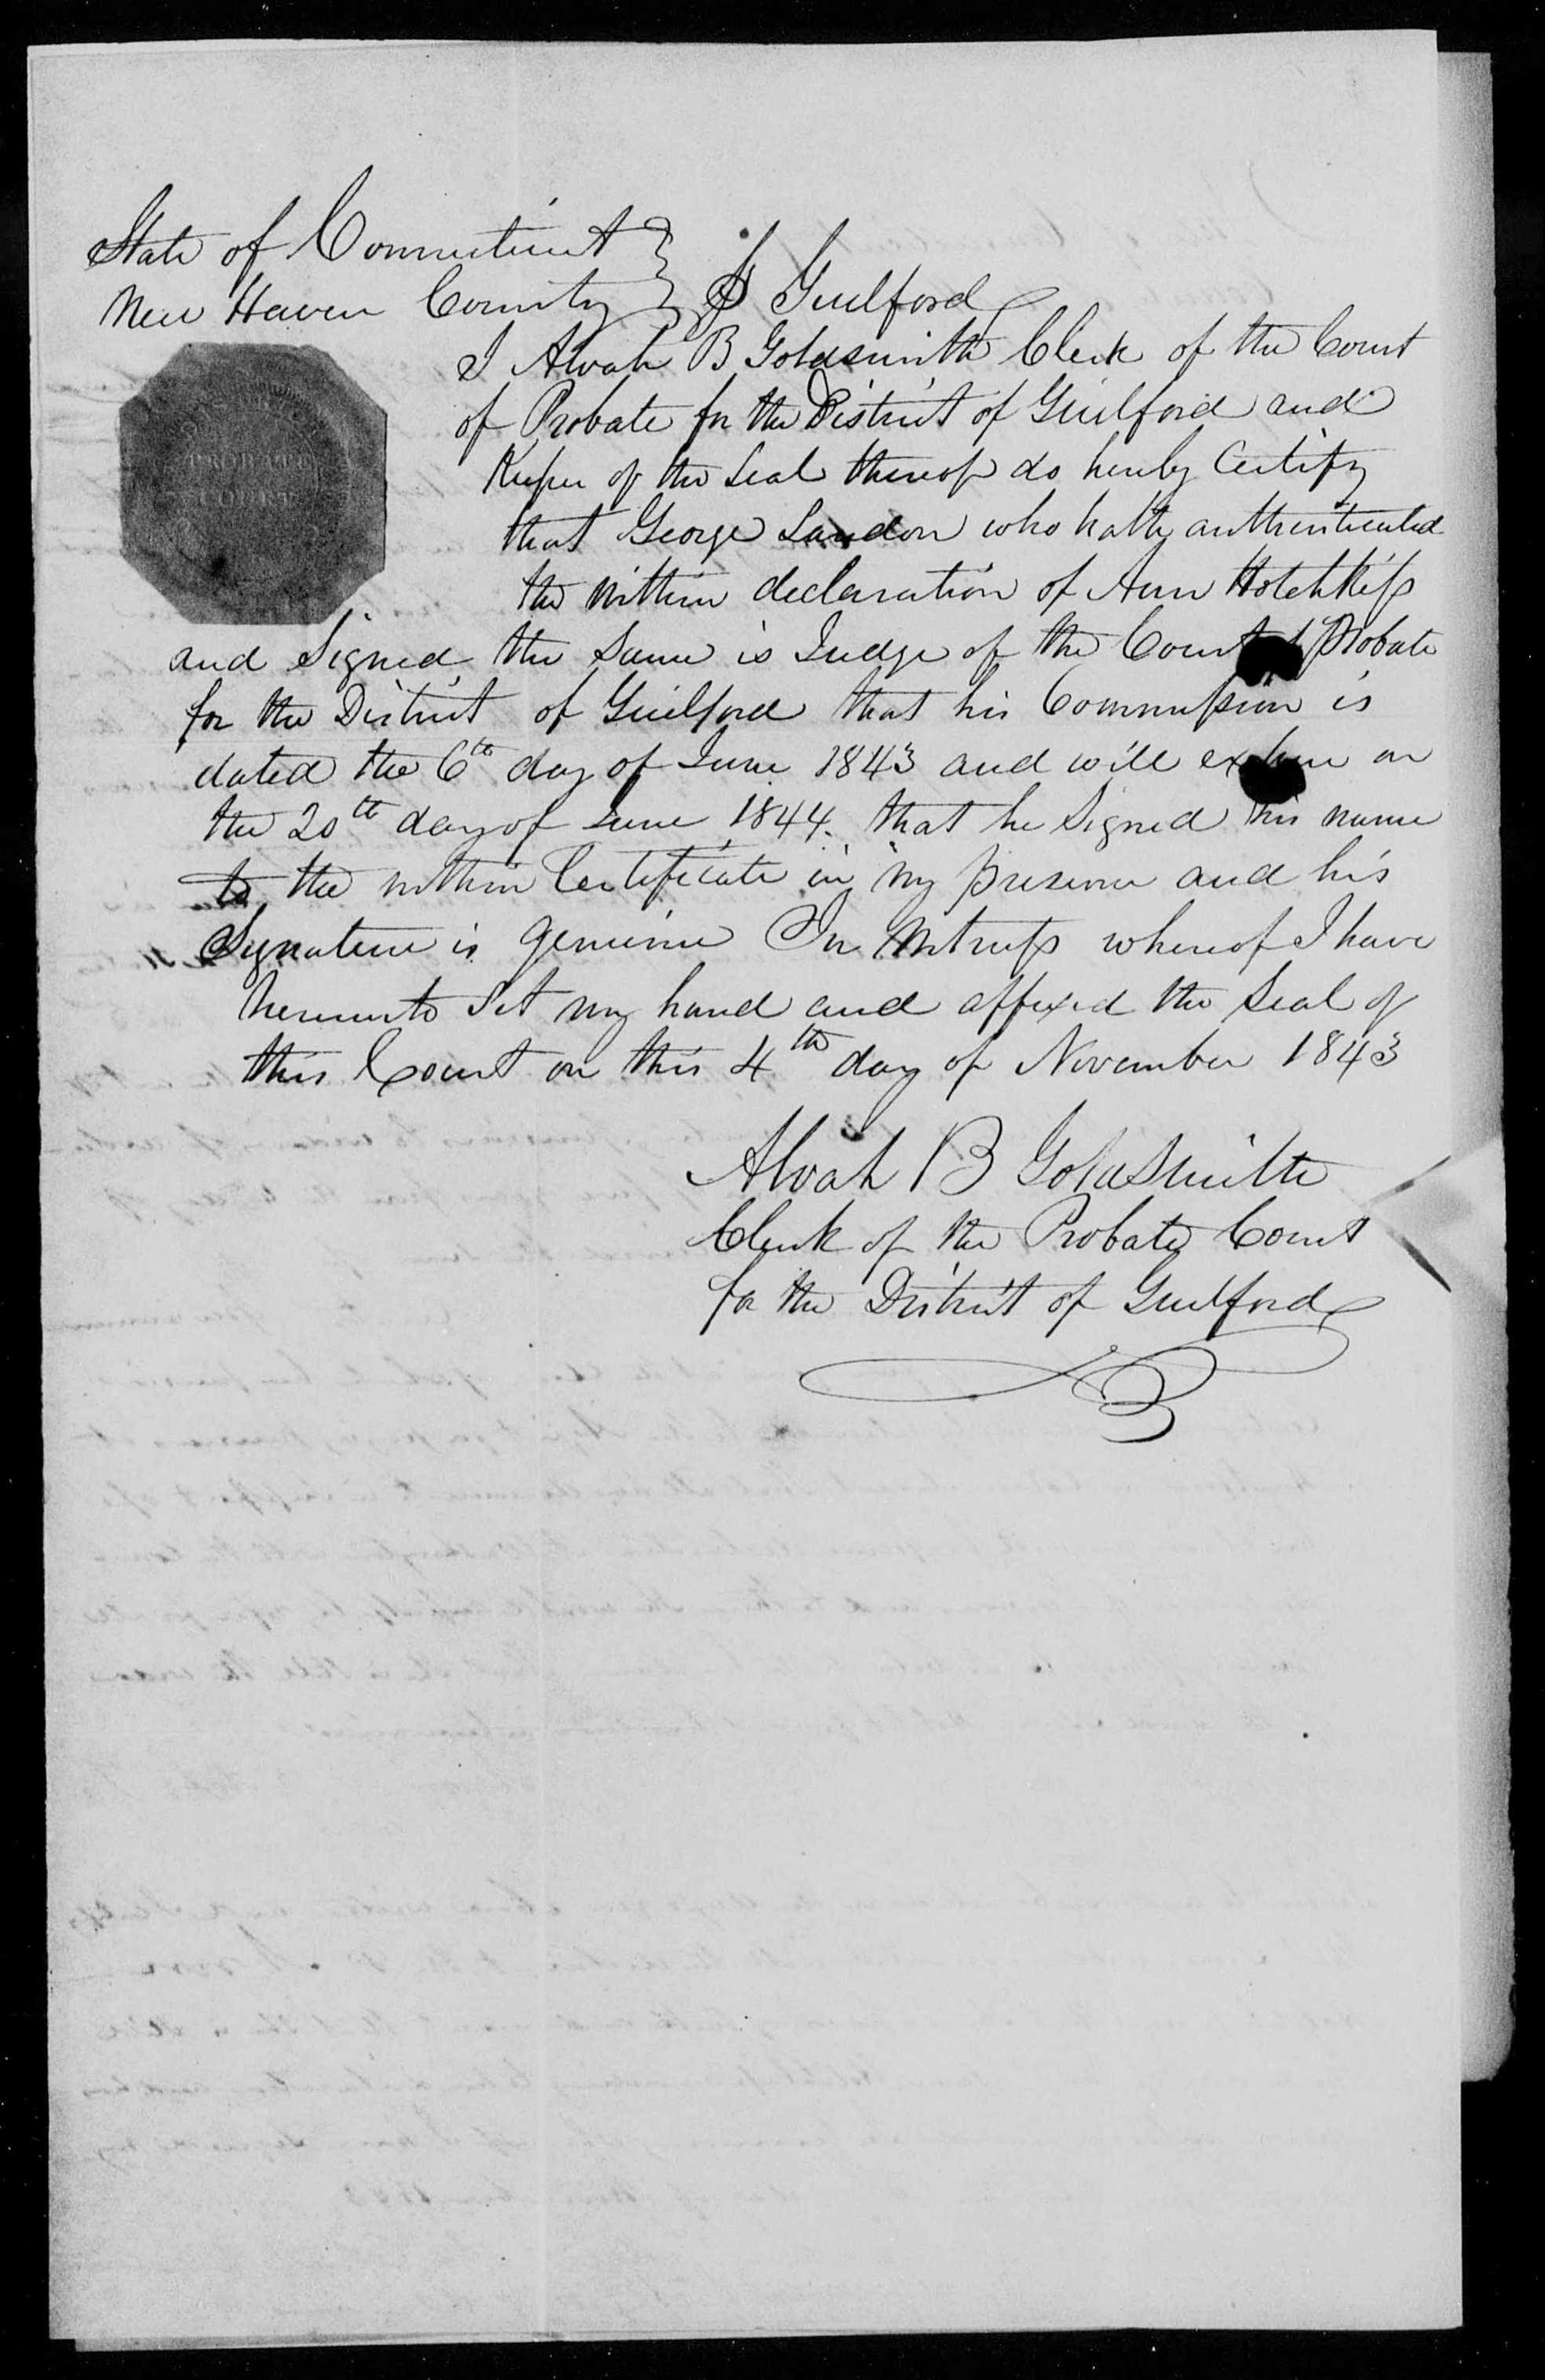State of Connecticut
New Haven County
J Guilford
Probate Court Seal
I Alvah B Goldsmith Clerk of the Court of Probate for the District of Guilford and Keeper of the Seal thereof do humbly certify that George Landon who hath authenticated the written declaration of Ann Hotchkiss and Signed the Same is the Judge of the Court of Probate for the District of Guilford that his Commission s dated the 6th day of June 1843 and will expire the 20th day of June 1844 that he signed his name to the written Certificate in my person and his Signature is genuine  In [illegible] whereof I have [illegible] set my hand and affixed the Seal of the Court in this 4th day of November 1843
Alvah B Goldsmith
Clerk of the Probate Court
for the District of Guilford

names: George Landon, Ann Hotchkiss, Alvah B Goldsmith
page: 25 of 25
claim: widow's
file: W. 18,021, Isaac Hotchkiss, Conn.